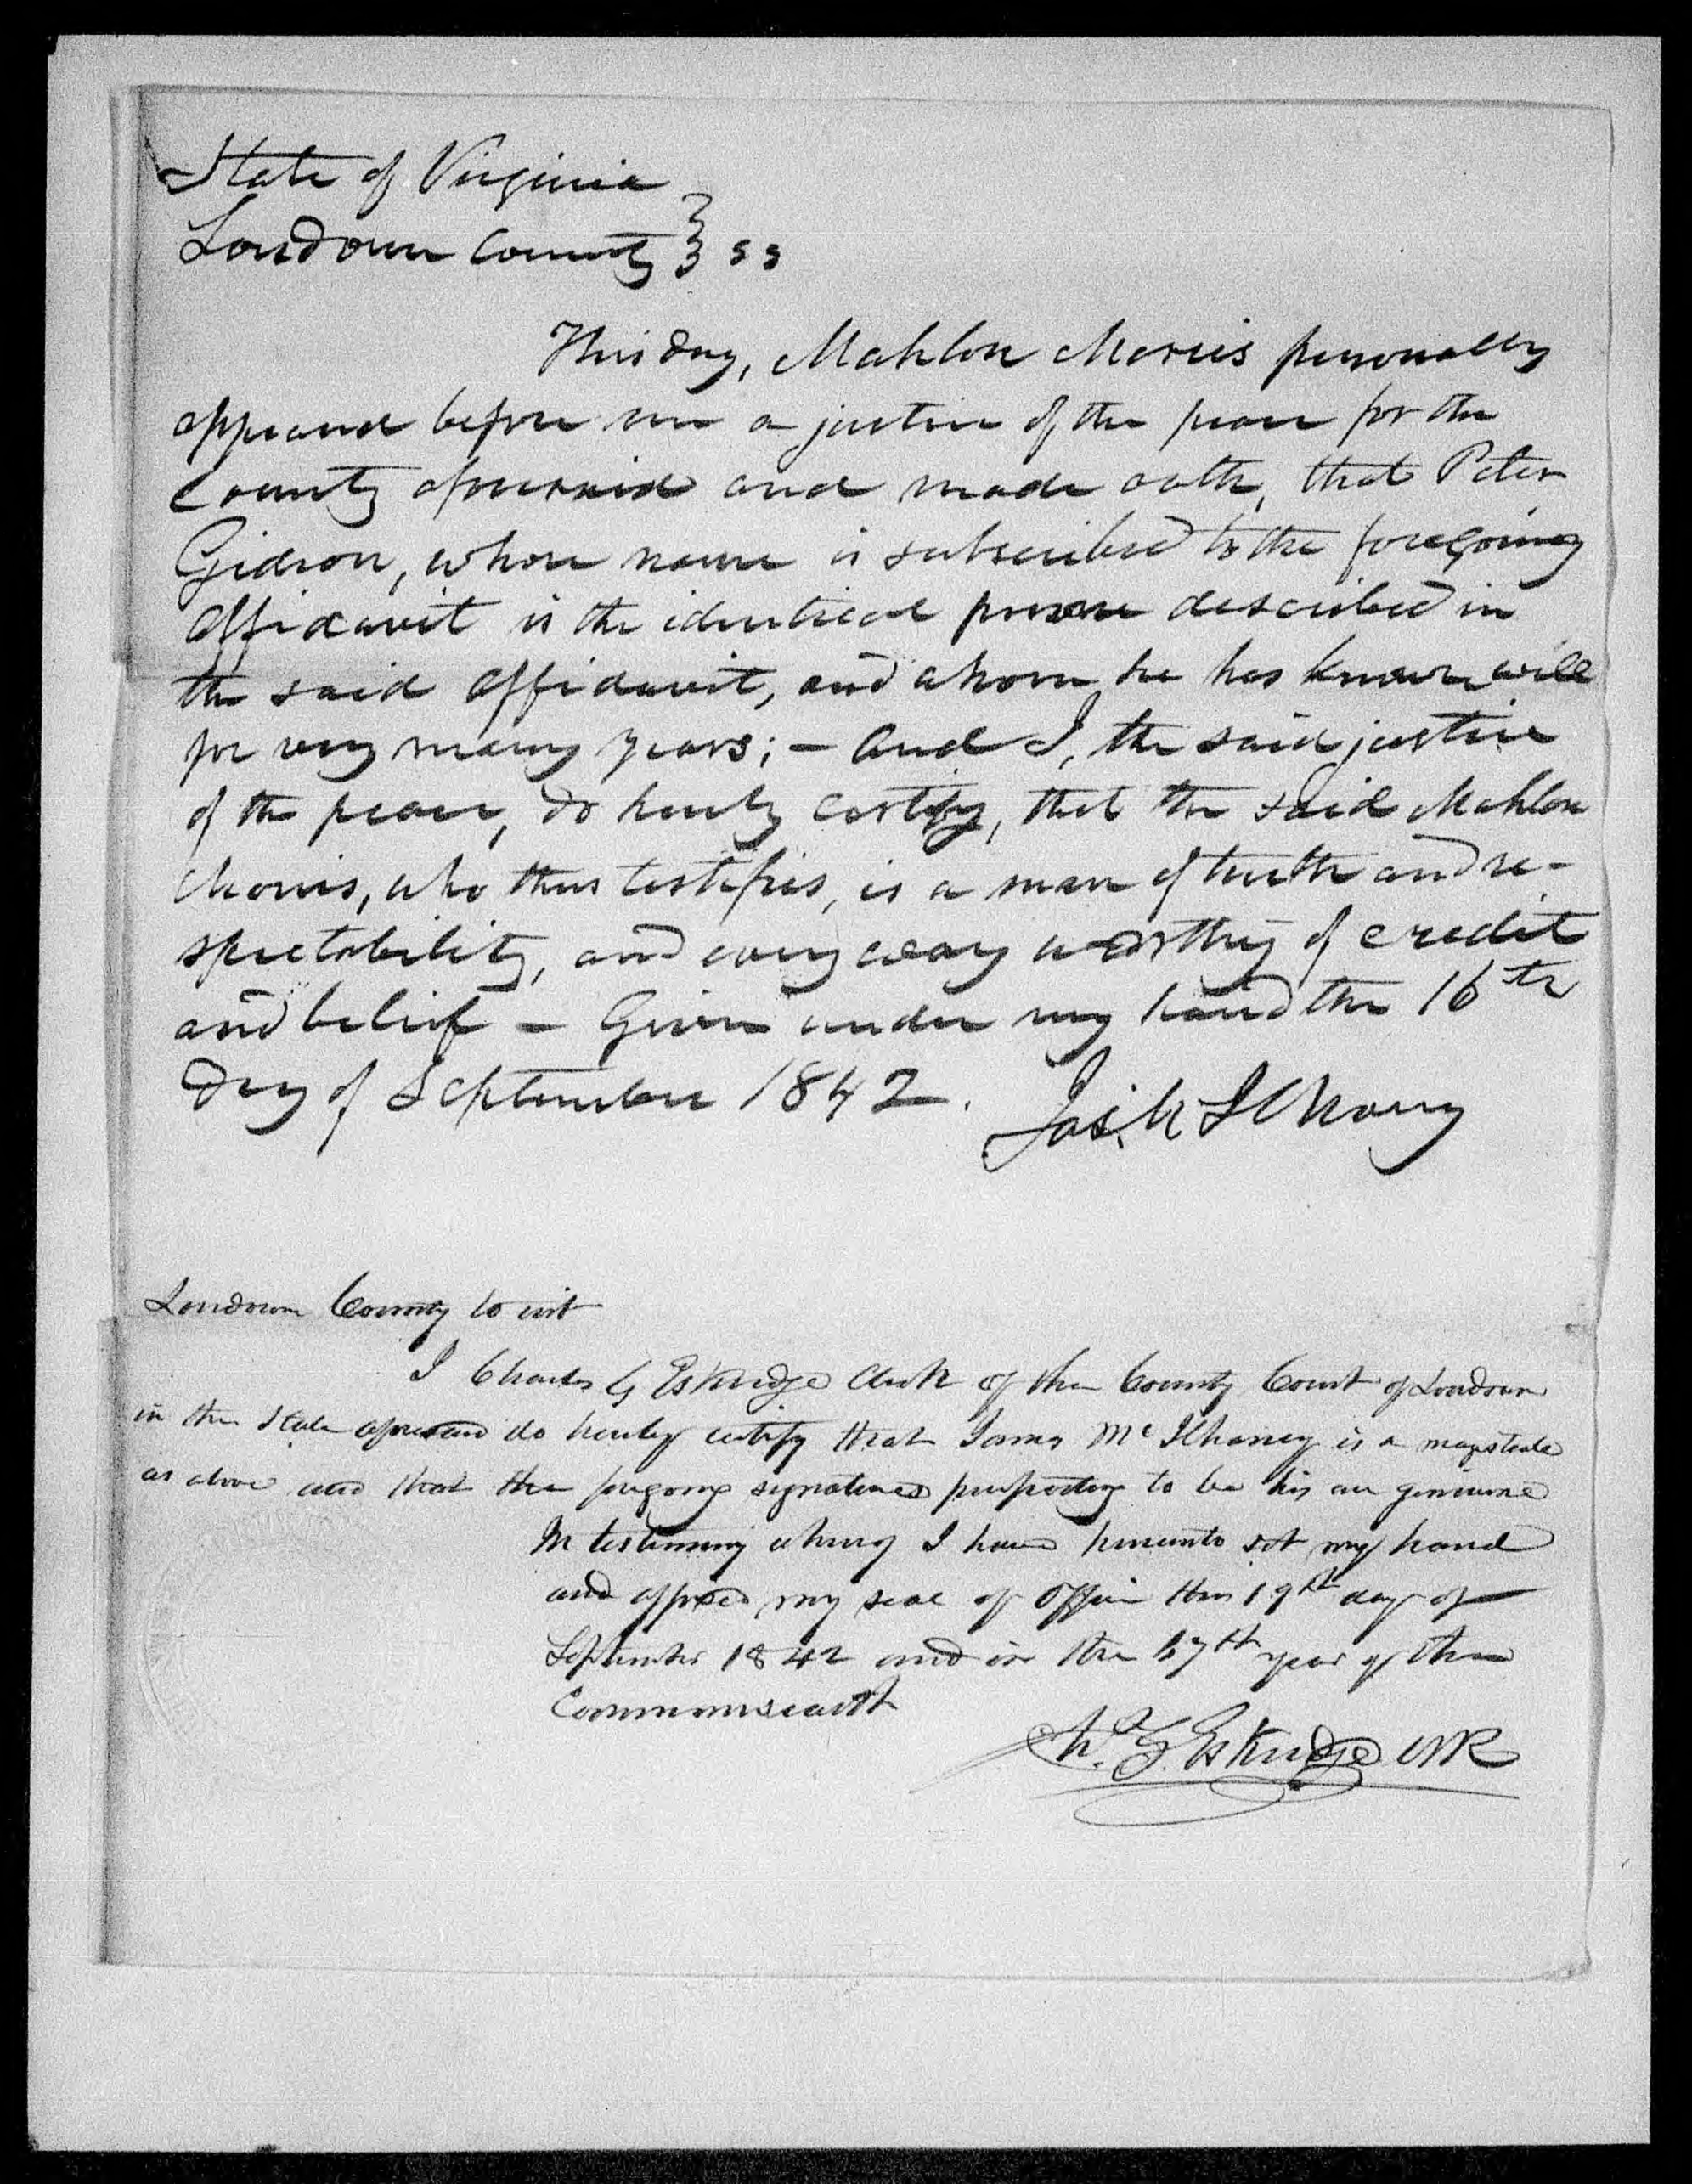State of Virginia }
Loudoun County }Ss

This day, Mahlon Morris personally
appeared before me a justice of the peace for the
County aforesaid and made oath, that Peter
Gideon, whose name is subscribed to the foregoing
affidavit is the identical person described in
the said affidavit, and whom he has known well
for many years; and I, the said justice
of the peace, do hereby certify, that the said Mahlon
Morris, who thus testifies, is a man of truth and re
spectability, and every way worthy of credit
and belief.  Given under my hand the 16th
day of September 1842.
Jas McIlhany

Loudon County, to wit

I Charles G Eskridge Clerk of the County Court of Loudoun
in the State aforesaid do hereby certify that James McIlhany is a magistrate
as above and that the foregoing signatures purporting to be his are genuine.

[Blurred seal of office] In testimony whereof I have hereunto set my hand
and affixed my seal of office this 19th day of
September 1842 and in the 67th year of the
Commonwealth
Chas. G. Eskridge Clk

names: Mahlon Morris, Peter Gideon, James Mc Ilhaney, Jas Mc Ilhany, Mahlon Morris, Chs G Eskridge, Charles G Eskridge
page: 4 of 64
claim: survivor's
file: S. 6887, Peter Gideon, Md.